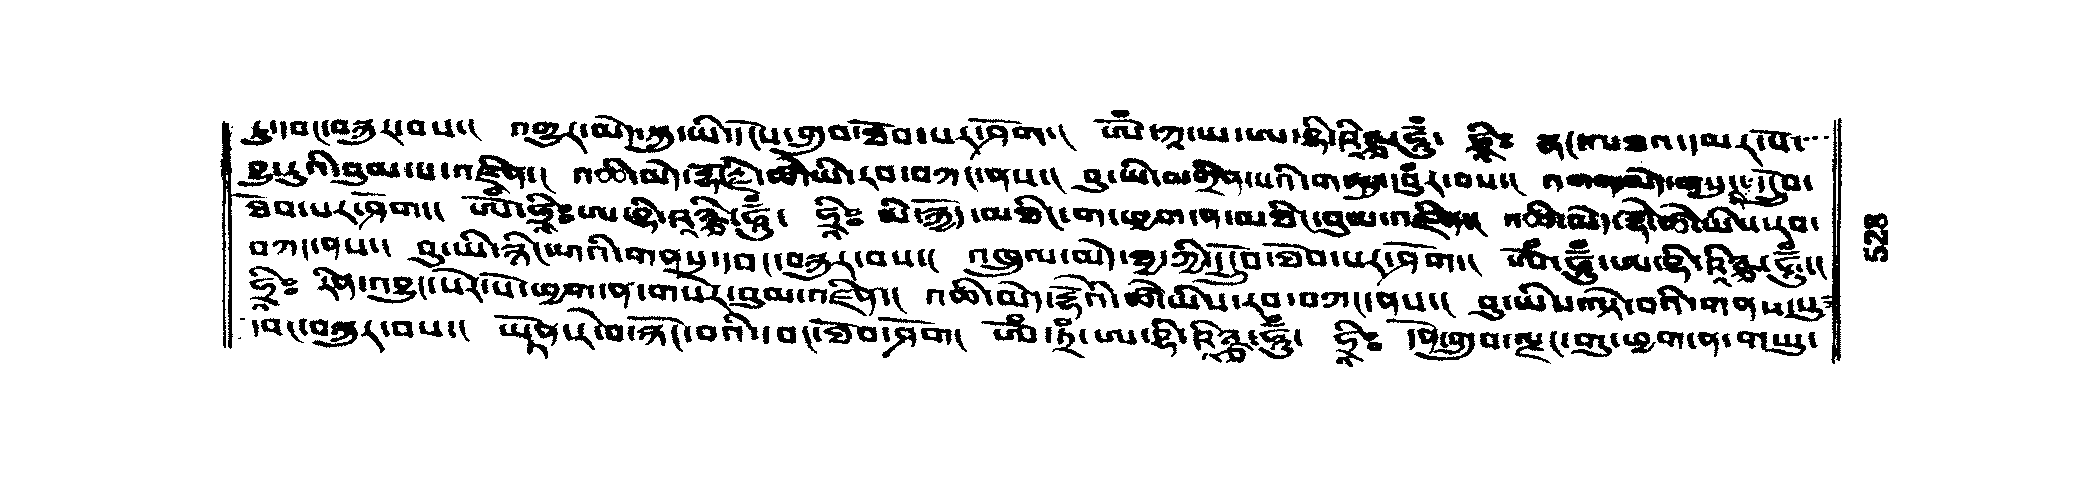ཏུ་དབང་བསྐུར་བས། །འགྱུར་མེད་སྐུའི་དངོས་གྲུབ་ཐོབ་པར་ཤོག ཨོཾ་ཀཱ་ཡ་ཨ་བྷི་རཱིཉྩ་ཧཱུྃ། ཧྲཱིཿ སྣང་མཐའ་དམར་པོ་
བྱུ་རུའི་བུམ་པ་འཛིན། །འཆི་མེད་རྡོ་རྗེ་ཚེ་ཡི་རབ་བཀང་ནས། །བུ་ཡི་མགྲིན་པའི་གནས་སུ་དབང་བསྐུར་བས། །འགག་མེད་གསུང་གི་དངོས་གྲུབ་
ཐོབ་པར་ཤོག ཨོཾ་ཧྲཱི་ཨ་བྷི་རཱི་ཉྩ་ཧཱུྃ། ཧྲཱིཿ མི་སྐྱོད་མཐིང་ག་ཕྱག་ན་མཐིང་བུམ་འཛིན། །འཆི་མེད་རྡོ་རྗེ་ཚེ་ཡིས་རབ་
བཀང་ནས། །བུ་ཡི་སྙིང་གའི་གནས་སུ་དབང་བསྐུར་བས། །འཁྲུལ་མེད་ཐུགས་ཀྱི་དངོས་གྲུབ་ཐོབ་པར་ཤོག ཨོཾ་ཧཱུྃ་ཨ་བྷི་རཱིཉྩ་ཧཱུྃ། 
ཧྲཱིཿ རིན་འབྱུང་སེར་པོ་ཕྱག་ན་གསེར་བུམ་འཛིན། །འཆི་མེད་རྡོ་རྗེའི་ཚེ་ཡིས་རབ་བཀང་ནས། །བུ་ཡི་ལྟེ་བའི་གནས་སུ་
དབང་བསྐུར་བས། །ཡོན་ཏན་རེ་བ་སྐོང་བའི་དབང་ཐོབ་ཤོག ཨོཾ་ཏྲཾ་ཨ་བྷི་རཱིཉྩ་ཧཱུྃ། ཧྲཱིཿ དོན་གྲུབ་ལྗང་ཁུ་ཕྱག་ན་གཡུ་